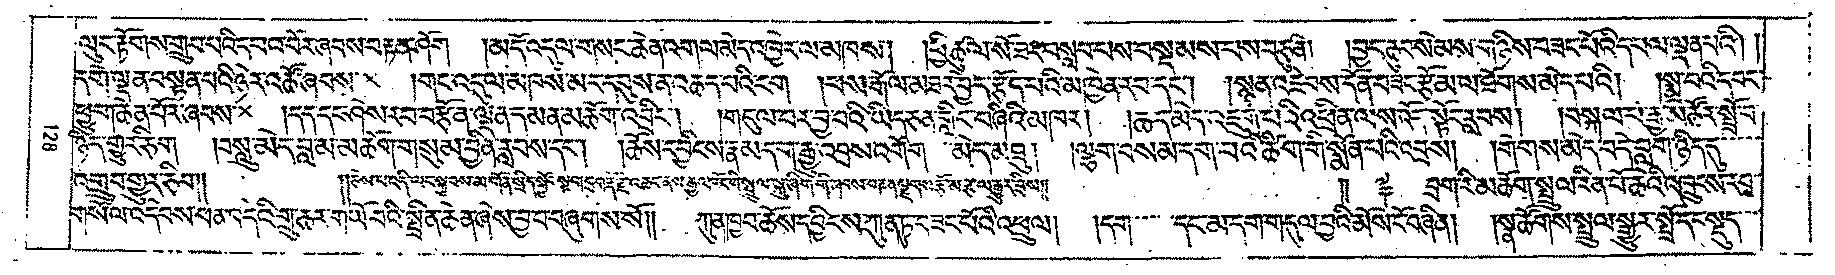ལུང་རྟོགས་གྲུབ་པའི་དཔའ་བོར་ཞབས་བརྟན་ཤོག །མདོ་འདུལ་གསང་ཆེན་འགལ་མེད་འཁྱེར་ལ་མཁས། །ཕྱི་ཚུལ་སོ་ཐར་བསླབ་པས་བསྡམས་པས་བཙུན། །བྱང་ཆུབ་སེམས་གཉིས་བཟང་པོའི་དཔལ་ལྡན་པའི། །
དགེ་ལྡན་བསྟན་པའི་ཉེར་འཚོ་ཞབས་྾་།གང་འདུལ་མཁས་མང་དབུས་ན་འཆད་པའི་ངག །ཕས་རྒོལ་མཐར་བྱེད་རྩོད་པའི་མཁྱེན་རབ་དང་། །སྙན་འཇེབས་དོན་བཟང་རྩོམ་ལ་ཐོགས་མེད་པའི། །སྨྲ་བའི་དབང་
ཕྱུག་ཆེན་པོར་ཞབས་྾་།དད་དང་ཤེས་རབ་བརྩོན་ལྡན་དམན་མཆོག་འབྲིང་། །གདུལ་བར་བྱ་བའི་ཡིད་ཅན་གླིང་བཞིའི་མཁར། །ཆད་མེད་འཇུག་པའི་འཕྲིན་ལས་འོད་སྟོང་རླབས། །བསྐལ་བ་རྒྱ་མཚོར་སྤྲོ་བ་
ཉིད་གྱུར་ཅིག །བསླུ་མེད་བླ་མ་མཆོག་གསུམ་བྱིན་རླབས་དང་། །ཆོས་དབྱིངས་རྣམ་དག་རྒྱུ་འབྲས་འགོག་མེད་མཐུ། །ལྷག་བསམ་དག་པའི་ཚིག་གི་སྨོན་པའི་འབྲས། །གེགས་མེད་བདེ་བླག་ཉིད་དུ་
འགྲུབ་གྱུར་ཅིག ། །། ཅེས་པ་འདི་ཡང་སྐྱབས་མགོན་སྲིད་སྐྱོང་སྟག་བྲག་རྡོ་རྗེ་འཆང་ནས་རྒྱལ་རོང་གི་སྤྲུལ་སྐུ་ཞིག་གི་ཞབས་བརྟན་ལྗགས་རྩོམ་རྩལ་རྒྱུར་བྲིས།།  །། ༈ བྲག་རི་མཆོག་སྤྲུལ་རིན་པོ་ཆེའི་འཁྲུངས་རབས་
གསོལ་འདེབས་ཕན་བདེའི་གྲུ་ཆར་གཡོ་བའི་སྤྲིན་ཆེན་ཞེས་བྱ་བ་བཞུགས་སོ།། ཀུན་ཁྱབ་ཆོས་དབྱིངས་ཀུན་ཏུ་བཟང་པོའི་འཕྲུལ། །དག་དང་མ་དག་གདུལ་བྱའི་མོས་ངོ་བཞིན། །སྣ་ཚོགས་སྤྲུལ་སྒྱུར་སྤྲོ་དང་སྡུད་